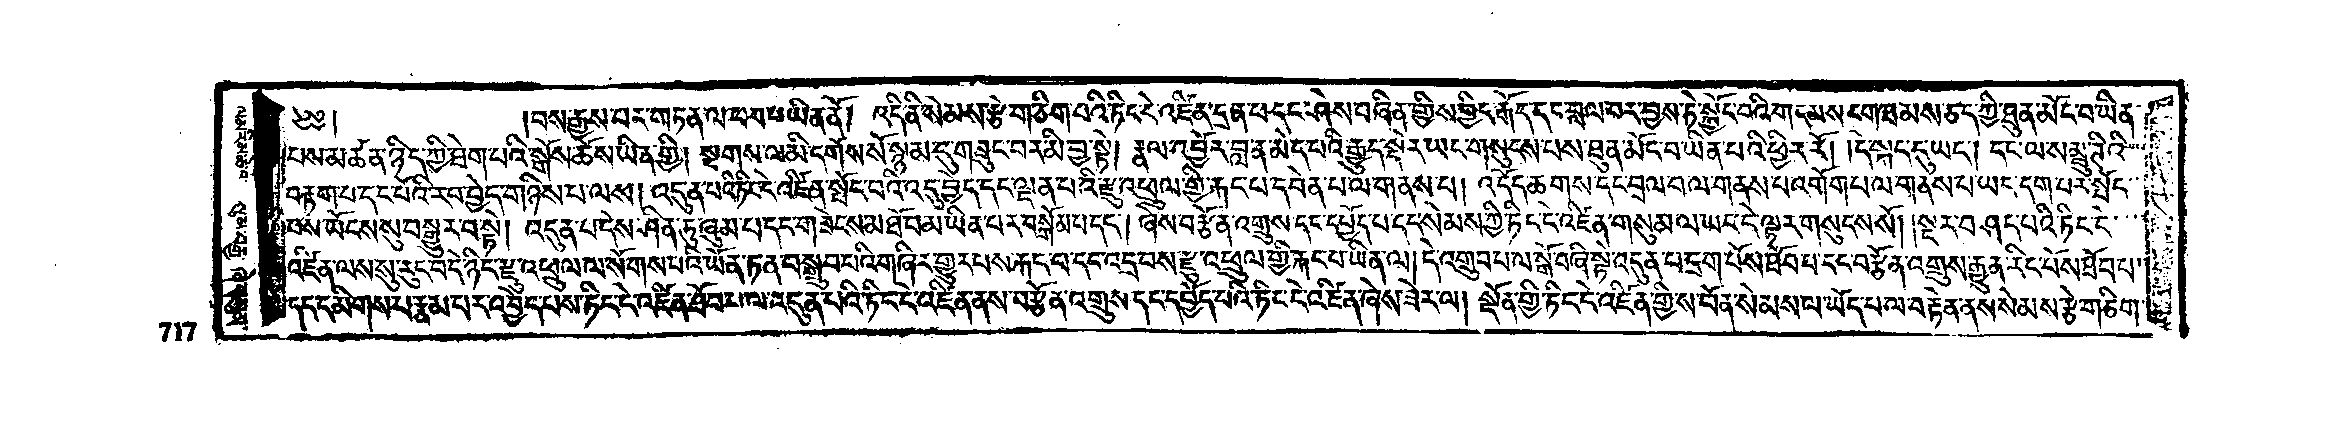༄༅། །བས་རྒྱས་པར་གཏན་ལ་ཕབ་པ་ཡིན་ནོ། །འདི་ནི་སེམས་རྩེ་གཅིག་པའི་ཏིང་ངེ་འཛིན་དྲན་པ་དང་ཤེས་བཞིན་གྱིས་བྱིང་རྒོད་དང་བྲལ་བར་བྱས་ཏེ་སྐྱོང་བའི་གདམས་ངག་ཐམས་ཅད་ཀྱི་ཐུན་མོང་བ་ཡིན་
པས་མཚན་ཉིད་ཀྱི་ཐེག་པའི་སྒོས་ཆོས་ཡིན་གྱི། སྔགས་ལ་མི་དགོས་སོ་སྙམ་དུ་གཟུང་བར་མི་བྱ་སྟེ། རྣལ་འབྱོར་བླ་ན་མེད་པའི་རྒྱུད་སྡེར་ཡང་གསུངས་པས་ཐུན་མོང་བ་ཡིན་པའི་ཕྱིར་རོ། །དེ་སྐད་དུ་ཡང་། དཔལ་སམྦུ་ཊིའི་
བརྟག་པ་དང་པོའི་རབ་བྱེད་གཉིས་པ་ལས། འདུན་པའི་ཏིང་ངེ་འཛིན་སྤོང་བའི་འདུ་བྱེད་དང་ལྡན་པའི་རྫུ་འཕྲུལ་གྱི་རྐང་པ་དབེན་པ་ལ་གནས་པ། འདོད་ཆགས་དང་བྲལ་བ་ལ་གནས་པ་འགོག་པ་ལ་གནས་པ་ཡང་དག་པར་སྤོང་
བས་ཡོངས་སུ་བསྒྱུར་བ་སྟེ། འདུན་པ་དེས་ཤིན་ཏུ་ཞུམ་པ་དང་གཟེངས་མཐོ་བ་མ་ཡིན་པར་བསྒོམ་པ་དང་། ཞེས་བརྩོན་འགྲུས་དང་དཔྱོད་པ་དང་སེམས་ཀྱི་ཏིང་ངེ་འཛིན་གསུམ་ལ་ཡང་དེ་ལྟར་གསུངས་སོ། །སྔར་བཤད་པའི་ཏིང་ངེ་
འཛིན་ལས་སུ་རུང་བ་དེ་ཉིད་རྫུ་འཕྲུལ་ལ་སོགས་པའི་ཡོན་ཏན་བསྒྲུབ་པའི་གཞིར་གྱུར་པས་རྐང་པ་དང་འདྲ་བས་རྫུ་འཕྲུལ་གྱི་རྐང་པ་ཡིན་ལ། དེ་འགྲུབ་པ་ལ་སྒོ་བཞི་སྟེ་འདུན་པ་དྲག་པོས་ཐོབ་པ་དང་བརྩོན་འགྲུས་རྒྱུན་རིང་པོས་ཐོབ་པ་
དང་དམིགས་པ་རྣམ་པར་འབྱེད་པས་ཏིང་ངེ་འཛིན་ཐོབ་པ་ལ་འདུན་པའི་ཏིང་ངེ་འཛིན་ནས་བརྩོན་འགྲུས་དང་དཔྱོད་པའི་ཏིང་ངེ་འཛིན་ཞེས་ཟེར་ལ། སྔོན་གྱི་ཏིང་ངེ་འཛིན་གྱི་ས་བོན་སེམས་ལ་ཡོད་པ་ལ་བརྟེན་ནས་སེམས་རྩེ་གཅིག་